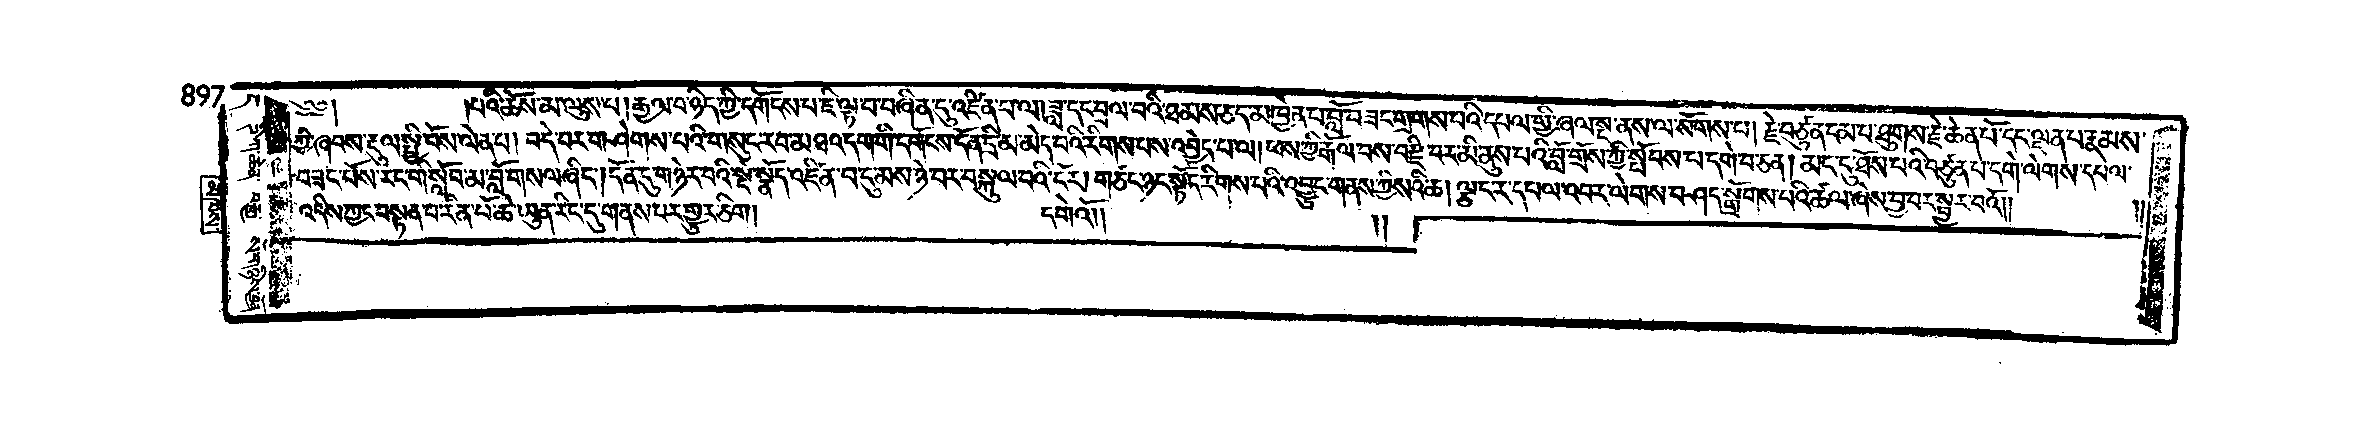༄༅། །པའི་ཆོས་མ་ལུས་པ། རྒྱལ་བ་ཉིད་ཀྱི་དགོངས་པ་ཇི་ལྟ་བ་བཞིན་དུ་འཛིན་པ་ལ། ཟླ་དང་བྲལ་བའི་ཐམས་ཅད་མཁྱེན་པ་བློ་བཟང་གྲགས་པའི་དཔལ་གྱི་ཞལ་སྔ་ནས་ལ་སོགས་པ། རྗེ་བཙུན་དམ་པ་ཐུགས་རྗེ་ཆེན་པོ་དང་ལྡན་པ་རྣམས་
ཀྱི་ཞབས་རྡུལ་སྤྱི་བོས་ལེན་པ། བདེ་བར་གཤེགས་པའི་གསུང་རབ་མཐའ་དག་གི་དགོངས་དོན་དྲི་མ་མེད་པའི་རིགས་པས་འབྱེད་པ་ལ། ཕས་ཀྱི་རྒོལ་བས་བརྫི་བར་མི་ནུས་པའི་བློ་གྲོས་ཀྱི་སྤོབས་པ་དགེ་བ་ཅན། མང་དུ་ཐོས་པའི་བཙུན་པ་དགེ་ལེགས་དཔལ་
བཟང་པོས་རན་གི་སློབ་མ་བློ་གསལ་ཞིང་། དོན་དུ་གཉེར་བའི་སྡེ་སྣོད་འཛིན་པ་དུ་མས་ཉེ་བར་བསྐུལ་བའི་ངོར། གཙང་ཉམ་སྟོད་རིགས་པའི་འབྱུང་གནས་ཀྱི་སའི་ཆ། ལྕང་ར་དཔལ་འབར་ལེགས་བཤད་སྒྲོགས་པའི་ཚལ་ཞེས་བྱ་བར་སྦྱར་བའོ། །
འདིས་ཀྱང་བསྟན་པ་རིན་པོ་ཆེ་ཡུན་རིང་དུ་གནས་པར་གྱུར་ཅིག། དགེའོ།། །།